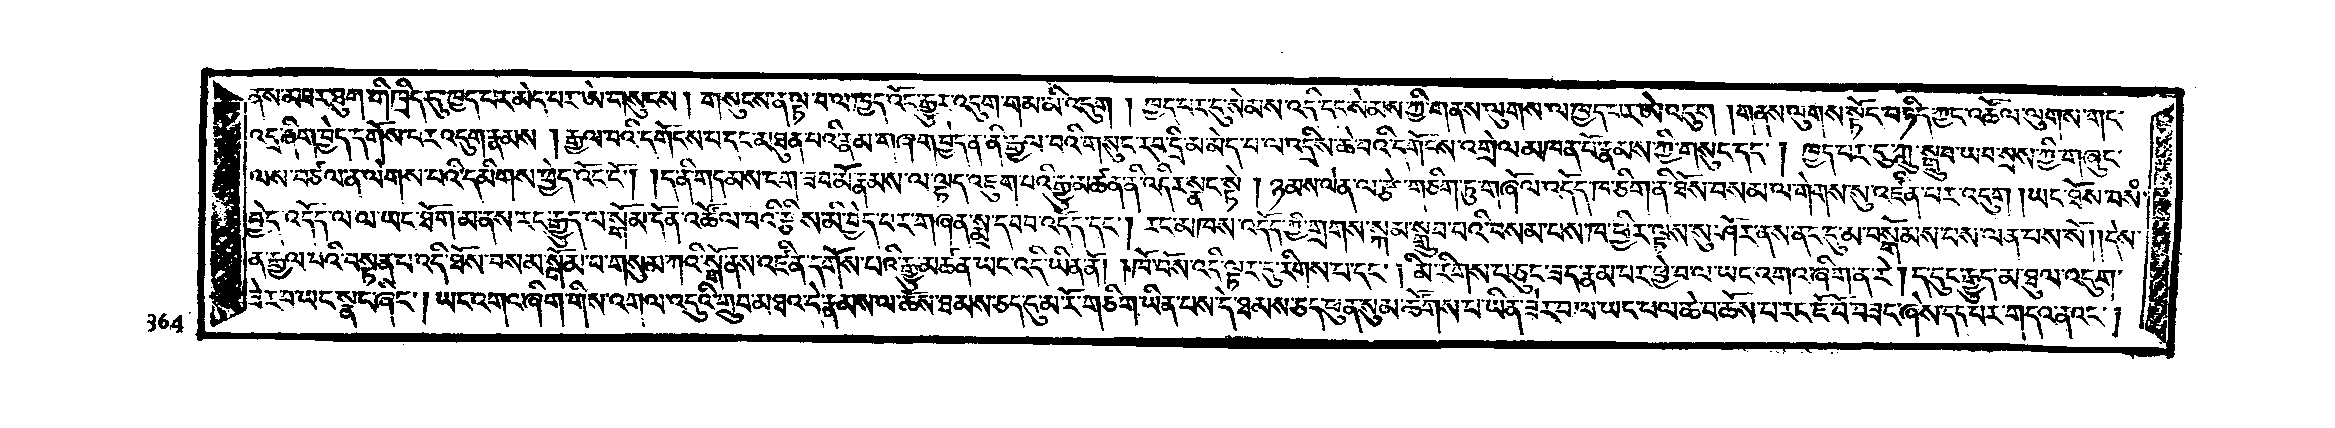ནས་མཐར་ཐུག་གི་ཁྲིད་དུ་ཁྱད་པར་མེད་པར་ཨེ་གསུངས། གསུངས་ན་ལྟ་བ་ལ་ཁྱད་འོང་རྒྱུར་འདུག་གམ་མི་འདུག །ཁྱད་པར་དུ་སེམས་འདི་དང་སེམས་ཀྱི་གནས་ལུགས་ལ་ཁྱད་པར་ཨེ་འདུག །གནས་ལུགས་སྟོང་པ་ཉིད་ཀྱང་འཚོལ་ལུགས་གང་
འདྲ་ཞིག་བྱེད་དགོས་པར་འདུག་རྣམས། རྒྱལ་བའི་དགོངས་པ་དང་མཐུན་པའི་རྣམ་གཞག་བྱེད་ན་ནི་རྒྱལ་བའི་གསུང་རབ་དྲི་མ་མེད་པ་ལ་འདྲིས་ཆེ་བའི་དགོངས་འགྲེལ་མཁན་པོ་རྣམས་ཀྱི་གསུང་དང་། ཁྱད་པར་དུ་ཀླུ་སྒྲུབ་ཡབ་སྲས་ཀྱི་གཞུང་
ལས་བཙལ་ན་ལེགས་པའི་དམིགས་ཕྱེད་འོང་ངོ། །ད་ནི་གདམས་ངག་ཟབ་མོ་རྣམས་ལ་ལྷད་འཇུག་པའི་རྒྱུ་མཚན་ནི་འདིར་སྣང་སྟེ། ཉམས་ལེན་ལ་རྩེ་གཅིག་ཏུ་གཞོལ་འདོད་ཁ་ཅིག་ནི་ཐོས་བསམ་ལ་གེགས་སུ་འཛིན་པར་འདུག །ཡང་ཐོས་བསམ་
བྱེད་འདོད་ལ་ལ་ཡང་ཐག་མ་ནས་རང་རྒྱུད་ལ་སྒོམ་དོན་འཚོལ་བའི་རྩིས་མི་བྱེད་པར་གཞན་སྨྲ་དབབ་འདོད་དང་། རང་མཁས་འདོད་ཀྱི་གྲགས་སྐམ་སྒྲུབ་པའི་བསམ་པས་ཁ་ཕྱིར་ལྟས་སུ་ཤོར་ནས་ནང་དུ་མ་བསྒོམས་པས་ལན་པས་སོ། །དེས་
ན་རྒྱལ་བའི་བསྟན་པ་འདི་ཐོས་བསམ་སྒོམ་པ་གསུམ་ཀའི་སྒོ་ནས་འཛིན་དགོས་པའི་རྒྱུ་མཚན་ཡང་འདི་ཡིན་ནོ། །ཁོ་བོས་འདི་ལྟར་དུ་རིགས་པ་དང་། མི་རིགས་པ་ཅུང་ཟད་རྣམ་པར་ཕྱེ་བ་ལ་ཡང་འགའ་ཞིག་ན་རེ། ད་དུང་རྒྱུད་མ་ཐུལ་འདུག་
ཟེར་བ་ཡང་སྣང་ཞིང་། ཡང་འགའ་ཞིག་གིས་འགལ་འདུའི་གྲུབ་མཐའ་དེ་རྣམས་ལ་ཆོས་ཐམས་ཅད་དུ་མ་རོ་གཅིག་ཡིན་པས་དེ་ཐམས་ཅད་ཕུན་སུམ་ཚོགས་པ་ཡིན་ཟེར་བ་ལ་ཡང་ཕལ་ཆེ་བ་ཆོས་པ་རང་ཇོ་བོ་བཟང་ཞེས་དད་པར་གདའ་ནའང་།